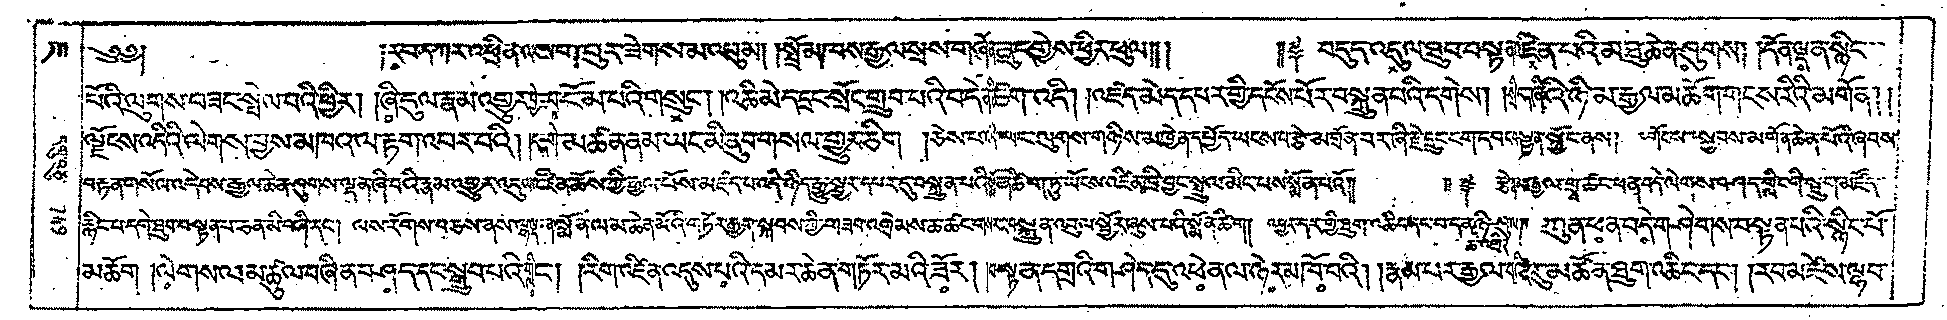༄༅། །རབ྾་དཀར་འཕྲིན་ལས་ག་བུར་ཟེགས་མ་འབུམ། །སྤྲོ་མཁས་རྒྱལ་སྲས་གཞོན་ནུ་དགྱེས་ཕྱིར་ཕུལ།། ། །།༈ བདུད་འདུལ྾་ཐུབ་བསྟན་འཛིན྾་པའི་མཐུ་ཆེན྾་ཤུགས། །དོན་ལྡན྾་སྙིང་
པོའི་ལུགས་བཟང་སྤེལ་བའི་ཕྱིར། །ཞི྾་དུལ་རྣམ་འགྱུར་བྱེ་བ྾་ངོམ་པའི་གསུང྾། །འཆི་མེད་དྲང་སྲོང་གྲུབ་པའི་བདེན་ཚིག་འདི། །འཛད་མེད་དཔར་གྱི་དངོས་པོར་བསྐྲུན་པའི་དགེས། །སྲིད་ཞིའི་ཉི་མ་རྒྱལ་མཆོག་གངས་རིའི་མགོན། །
ལྗོངས་འདིའི་ལེགས་བྱས་མཁའ་ལ་རྟག་འབར་བའི། །དགེ་མཚན་ནམ་ཡང་མི་ནུབ་གསལ་གྱུར་ཅིག །ཅེས་པ་འདི་ཡང་ལུགས་གཉིས་མཁྱེན་དཔྱོད་ཡངས་པ་རྩེ་མགྲོན་པར་ཞི་རྗེ་དྲུང་ངག་དབང་བསྟན་སྐྱོང་ནས། ༧གོང་ས་༧སྐྱབས་མགོན་ཆེན་པོའི་ཞབས་
བརྟན་གསོལ་འདེབས་རྒྱལ་ཆེན་ཤུགས་ལྡན་ཞི་བའི་རྣམ་འགྱུར་འདུལ་འཛིན་ཆོས་ཀྱི་རྒྱལ་པོས་མཛད་པ་འདི་ཉིད་རྒྱུ་སྦྱར་དཔར་དུ་བསྐྲུན་པའི་སྨོན་ཚིག་ཏུ་ཡོངས་འཛིན་ཁྲི་བྱང་སྤྲུལ་མིང་པས་སྨོན་པའོ།། །།༈ རྩེ྾་རྣམ་རྒྱལ་གྲྭ་ཚང་ཕན་བདེ་ལེགས་བཤད་གླིང་གི་སྦུག་མཛོད་
རྙིང་པ་དགེ་ཐུབ་བསྟན་པ་ཅན་མི་བཞི་དང་། ལས་རོགས་བཅས་ནས་ལྷ་ལྡན་སྨོན་ལམ་ཆེན་མོའི་གཏོར་རྒྱག་སྐབས་ཀྱི་གཟབ་འགྲེམས་ཆ་ཚང་གསར་བསྐྲུན་འབུལ་སྦྱོར་ཞུས་པའི་སྨོན་ཚིག ། འཕྱར་དར་གྱི་ཐུག་འཆིང་དང་བ་དན་ཆ་འགྲིགས་ཉི་ཤུ་ལ། ཀུན་ཕན྾་བདེ྾་གཤེགས་བསྟན་པའི་སྙིང་པོ་
མཆོག །ལེགས྾་ལ་མཚུལ་བཞིན་བཤད྾་དང་སྒྲུབ་པའི་གླིང྾། །རིག་འཛིན་འདུས་པའི྾་དམར་ཆེན་གཏོར་མའི་ཟོར྾། །བསྟན་དགྲའི་གཤེད་དུ་འཕེན྾་ལ་ཉེར྾་མཁོ྾་བའི། །རྣམ་པར་གྱལ་བའི་རུ་མཚོན་ཐུག་འཆིང་དང་། །རབ་མཛེས་ལྷབ་